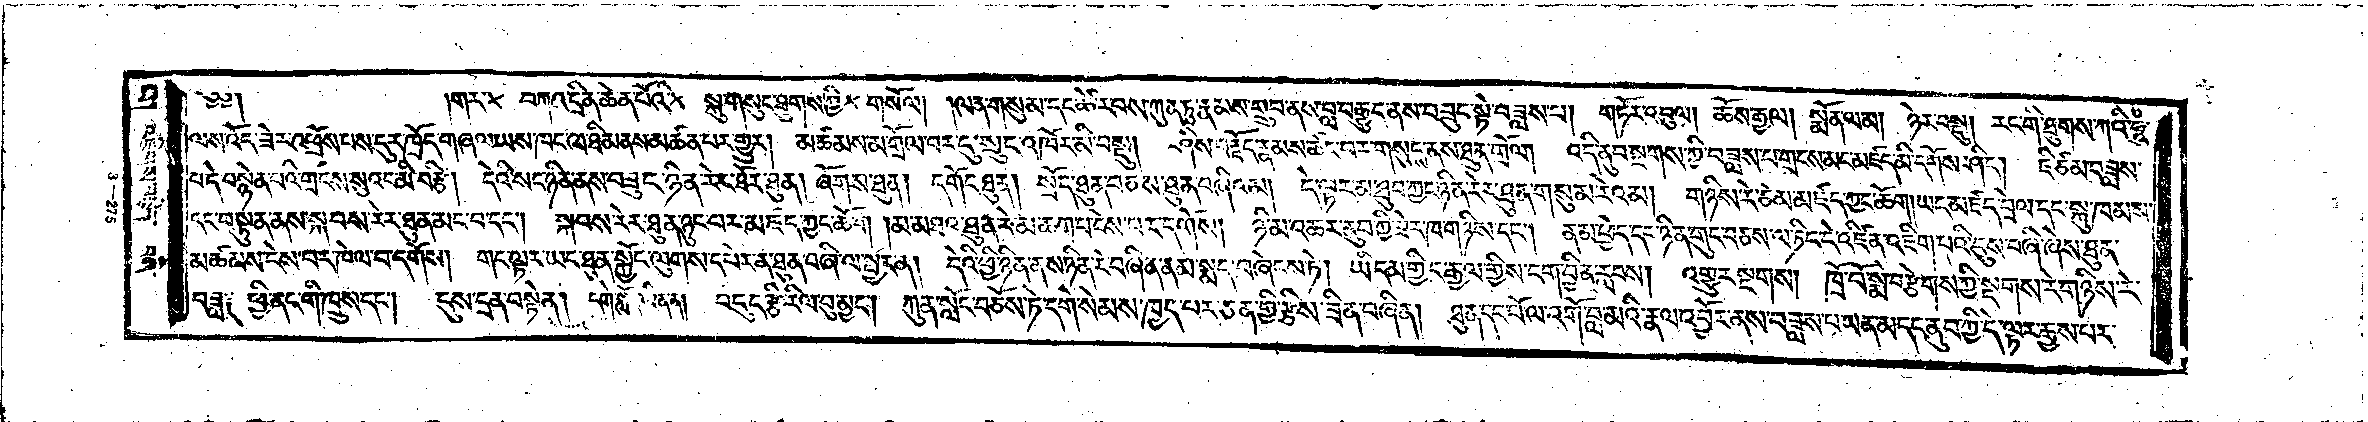༄༅། །གར་྾་བཀའ་དྲིན་ཆེན་པོའི་྾་སྐུ་གསུང་ཐུགས་ཀྱི་྾་གསོལ། །ལན་གསུམ་དང་ཚེ་རབས་ཀུན་ཏུ་རྣམས་གྲུབ་ནས་བླ་བརྒྱུད་ནས་བཟུང་སྟེ་བཟླས་པ། གཏོར་འབུལ། ཆོས་རྒྱལ། སྨོན་ལམ། ཉེར་བསྡུ། རང་གི་ཐུགས་ཀའི་ཧཱུཾ་
ལས་འོད་ཟེར་འཕྲོས་པས་དུར་ཁྲོད་གཞལ་ཡས་ཁང་ལ་ཐིམ་ནས་མཚན་པར་གྱུར། མཚམས་མ་གྲོལ་བར་དུ་སྲུང་འཁོར་མི་བསྡུ། ཤིས་བརྗོད་རྣམས་ཚང་བར་གསུངས་ནས་ཐུན་གྲོལ། འདི་ནུབ་སྔགས་ཀྱི་བཟླས་པ་གྲངས་མང་མཛད་མི་དགོས་ཤིང་། ཇི་ཙམ་བཟླས་
པ་དེ་བསྙེན་པའི་གྲངས་སུའང་མི་བརྩི། དེའི་སང་ཉིན་ནས་བཟུང་ཉིན་རེར་ཐོར་ཐུན། ཞོགས་ཐུན། དགོང་ཐུན། སྲོད་ཐུན་བཅས་ཐུན་བཞིའམ། དེ་ལྟར་མ་ཐུབ་ཀྱང་ཉིན་རེར་ཐུན་གསུམ་རེའམ། གཉིས་རེ་ཙམ་མཛད་ཀྱང་ཆོག །ཡང་མཛད་བྲེལ་དང་སྐུ་ཁམས་
དང་བསྟུན་ནས་སྐབས་རེར་ཐུན་མང་བ་དང་། སྐབས་རེར་ཐུན་ཉུང་བར་མཛད་ཀྱང་ཆོག །མ་མཐའ་ཐུན་རེ་མ་ཆག་པ་ངེས་པར་དགོས། ཉི་མ་འཆར་ཆུབ་ཀྱི་ཟེར་ཁ་གཉིས་དང་། ནམ་ཕྱེད་དང་ཉིན་གུང་བཅས་ལ་ཏིང་ངེ་འཛིན་འཇིག་པའི་དུས་བཞི་ཞེས་ཐུན་
མཚམས་ངེས་པར་ཁེལ་བ་དགོས། གང་ལྟར་ཡང་ཐུན་སྐྱོང་ལུགས་དཔེར་ན་ཐུན་བཞི་ལ་སྦྱར་ན། དེའི་ཕྱི་ཉིན་ནས་ཉིན་རེ་བཞིན་ནམ་སྨད་བཞེངས་ཏེ། ཡི་དམ་གྱི་ང་རྒྱལ་གྱིས་ངག་བྱིན་རླབས། འགྱུར་སྔགས། ཁྲོ་བོ་སྨེ་བརྩེགས་ཀྱི་སྔགས་རེ་གཉིས་རེ་
བཟླ༑ ཕྱི་ནང་གི་ཁྲུས་དང་། དུས་དྲན་བསྟེན། དགེ་སློང་ཡིན་ན། བདུད་རྩི་རིལ་བུ་མྱང་། ཀུན་སློང་བཅོས་ཏེ་དགེ་སེམས་ཁྱད་པར་ཅན་གྱི་རྩིས་ཟིན་བཞིན། ཐུན་དང་པོ་ལ་འགོ་བླ་མའི་རྣལ་འབྱོར་ནས་བཟླས་པ་ཡན་མདང་ནུབ་ཀྱི་དེ་ལྟར་རྒྱས་པར་